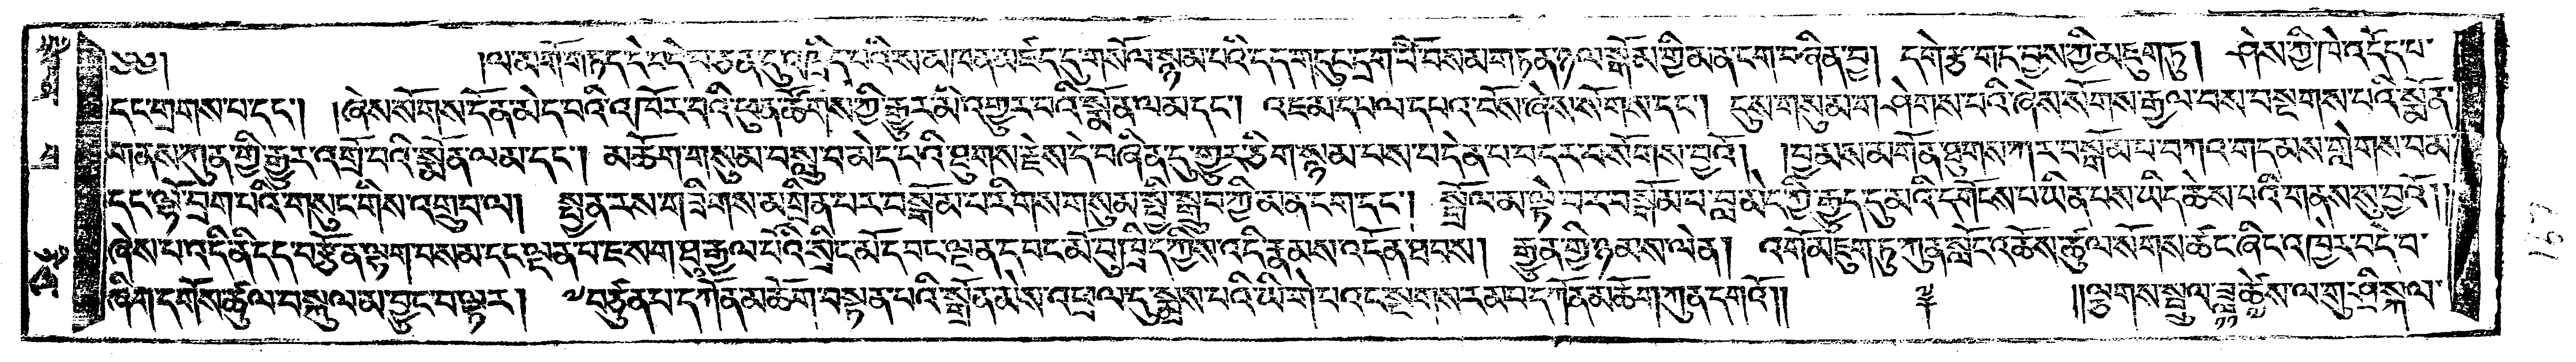༄༅། །ལ་མགོ་གཏད་དེ་བདེ་བ་ཅན་དུ་འཁྲིད་པའི་ས་མཁན་མཛད་དུ་གསོལ་སྙམ་པའི་དད་གདུང་དྲག་པོ་བསམ་གཏན་ཉལ་སྒོམ་གྱི་མན་ངག་བཞིན་བྱ། དགེ་རྩ་གང་བྱས་ཀྱི་མཇུག་ཏུ། ཤེས་ཀྱི་ཁེ་འདོད་པ་
ཕ༹དང་གྲགས་པ་དང་། །ཞེས་སོགས་དོན་མེད་བའི་འཁོར་བའི་ཕུན་ཚོགས་ཀྱི་རྒྱུར་མི་འགྱུར་བའི་སྨོན་ལམ་དང་། འཇམ་དཔལ་དཔའ་བོས་ཞེས་སོགས་དང་། དུས་གསུམ་གཤེགས་བའི་ཞེས་སོགས་རྒྱལ་བས་བསྔགས་པའི་སྨོན་
གནས་ཀུན་གྱི་རྒྱུར་འགྲོ་བའི་སྨོན་ལམ་དང་། མཆོག་གསུམ་བསླུ་བ་མེད་པའི་ཐུགས་རྗེས་དེ་བཞིན་དུ་གྱུར་ཅིག་སྙམ་པས་བདེན་པ་བདར་བ་སོགས་བྱའོ། །བྱམས་མགོན་ཐུགས་ཀར་བསྒོམ་པ་བཀའ་གདམས་གླེགས་བམ་
དང་ལྷོ་བྲག་པའི་གསུང་གིས་འགྲུབ་ལ། སྤྱན་རས་གཟིགས་མགྲིན་པར་བསྒོམ་པ་རིགས་གསུམ་སྤྱི་སྒྲུབ་ཀྱི་མན་ངག་དང་། སྒྲོལ་མ་ལྟེ་བར་བསྒོམ་པ་བླ་མེད་ཀྱི་རྒྱུད་དུ་མའི་དགོངས་པ་ཡིན་པས་ཡིད་ཆེས་པའི་གནས་སུ་བྱའོ། །
ཞེས་པ་འདི་ནི་དད་བརྩོན་ལྷག་བསམ་དང་ལྡན་པ་ཇ་སག་ཐུ་རྒྱལ་པོའི་སྲིང་མོ་དབང་ལྡན་དབང་མོ་བུ་ཁྲིད་ཀྱིས་འདི་རྣམས་འདོན་ཐབས། རྒྱུན་གྱི་ཉམས་ལེན། འགོ་མཇུག་ཏུ་ཀུན་སློང་འཆོས་ཚུལ་སོགས་ཚང་ཞིང་འཁྱེར་བདེ་བ་
ཞིག་དགོས་ཚུལ་བསྐུལ་མ་བྱུང་བ་ལྟར། ༧བཙུན་པ་དཀོན་མཆོག་བསྟན་པའི་སྒྲོན་མེས་འཕྲལ་དུ་སྨྲས་པའི་ཡི་གེ་པའང་སྤངས་རམ་པ་དཀོན་མཆོག་ཀུན་དགའོ།། ༈ །།ལྕགས་སྦྲུལ་ཟླ ༡༡་ཚེ༧་ལ་གུ་ཤྲི་སྐལ་